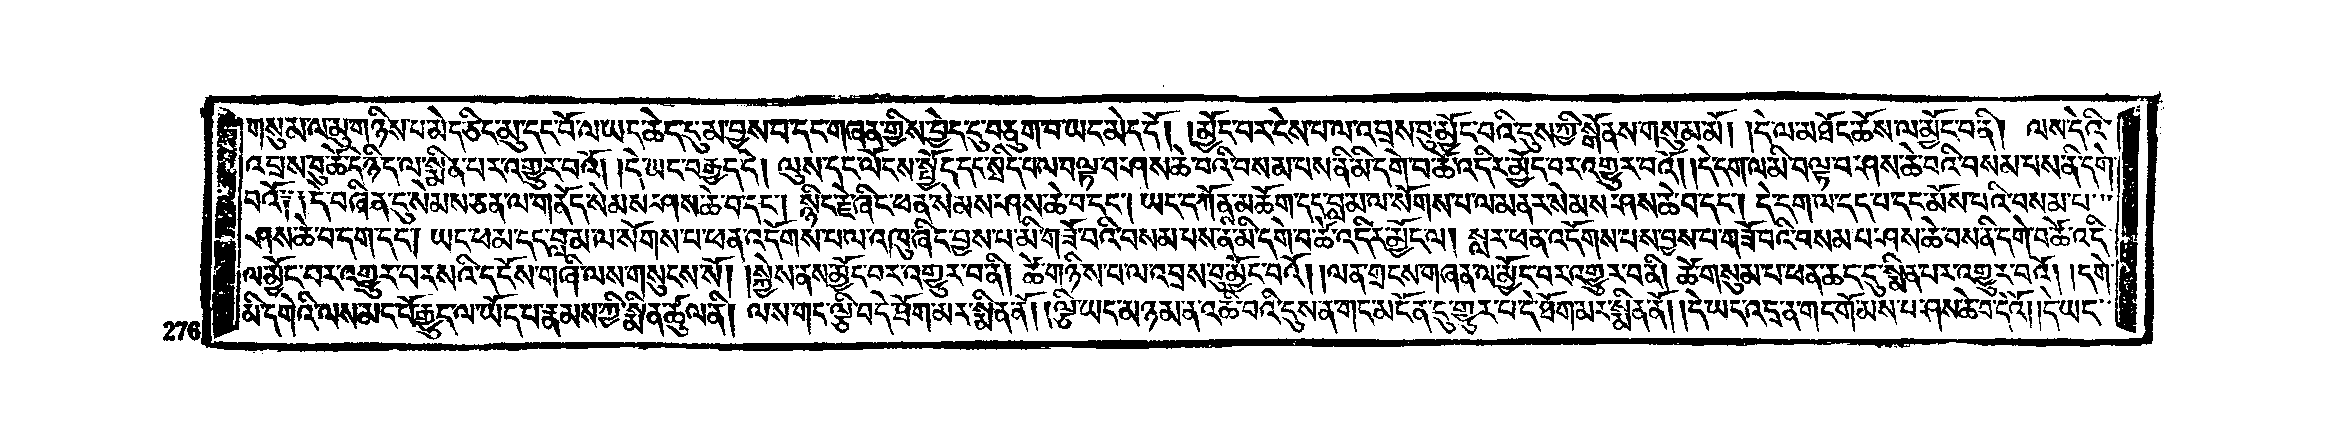གསུམ་ལ་མུ་གཉིས་པ་མེད་ཅིང་མུ་དང་པོ་ལ་ཡང་ཆེད་དུ་མ་བྱས་པ་དང་གཞན་གྱིས་བྱེད་དུ་བཅུག་པ་ཡང་མེད་དོ། །མྱོང་བར་ངེས་པ་ལ་འབྲས་བུ་མྱོང་བའི་དུས་ཀྱི་སྒོ་ནས་གསུམ་མོ། །དེ་ལ་མཐོང་ཆོས་ལ་མྱོང་བ་ནི། ལས་དེའི་
འབྲས་བུ་ཚེ་དེ་ཉིད་ལ་སྨིན་པར་འགྱུར་པའོ། །དེ་ཡང་བརྒྱད་དེ། ལུས་དང་ལོངས་སྤྱོད་དང་སྲིད་པ་ལ་བལྟ་བ་ཤས་ཆེ་བའི་བསམ་པས་ནི་མི་དགེ་བ་ཚེ་འདིར་མྱོང་བར་འགྱུར་བའོ། །དེ་དག་ལ་མི་བལྟ་བ་ཤས་ཆེ་བའི་བསམ་པས་ནི་དགེ་
བའོ༑ ༑དེ་བཞིན་དུ་སེམས་ཅན་ལ་གནོད་སེམས་ཤས་ཆེ་བ་དང་། སྙིང་རྗེ་ཞིང་ཕན་སེམས་ཤས་ཆེ་བ་དང་། ཡང་དཀོན་མཆོག་དང་བླ་མ་ལ་སོགས་པ་ལ་མནར་སེམས་ཤས་ཆེ་བ་དང་། དེ་དག་ལ་དད་པ་དང་མོས་པའི་བསམ་པ་
ཤས་ཆེ་བ་དག་དང་། ཡང་ཕམ་དང་བླ་མ་ལ་སོགས་པ་ཕན་འདོགས་པ་ལ་འཁུ་ཞིང་བྱས་པ་མི་གཟོ་བའི་བསམ་པས་ནི་མི་དགེ་བ་ཚེ་འདིར་མྱོང་ལ། སླར་ཕན་འདོགས་པས་བྱས་པ་གཟོ་བའི་བསམ་པ་ཤས་ཆེ་བས་ནི་དགེ་བ་ཚེ་འདི་
ལ་མྱོང་བར་འགྱུར་བར་སའི་དངོས་གཞི་ལས་གསུངས་སོ། །སྐྱེས་ནས་མྱོང་བར་འགྱུར་བ་ནི། ཚེ་གཉིས་པ་ལ་འབྲས་བུ་མྱོང་བའོ། །ལན་གྲངས་གཞན་ལ་མྱོང་བར་འགྱུར་བ་ནི། ཚེ་གསུམ་པ་ཕན་ཆད་དུ་སྨིན་པར་འགྱུར་བའོ། །དགེ་
མི་དགེའི་ལས་མང་པོ་རྒྱུད་ལ་ཡོད་པ་རྣམས་ཀྱི་སྨིན་ཚུལ་ནི། ལས་གང་ལྕི་བ་དེ་ཐོག་མར་སྨིན་ནོ། །ལྕི་ཡང་མཉམ་ན་འཆི་བའི་དུས་ན་གང་མངོན་དུ་གྱུར་པ་དེ་ཐོག་མར་སྨིན་ནོ། །དེ་ཡང་འདྲ་ན་གང་གོམས་པ་ཤས་ཆེ་བ་དེའོ། །དེ་ཡང་